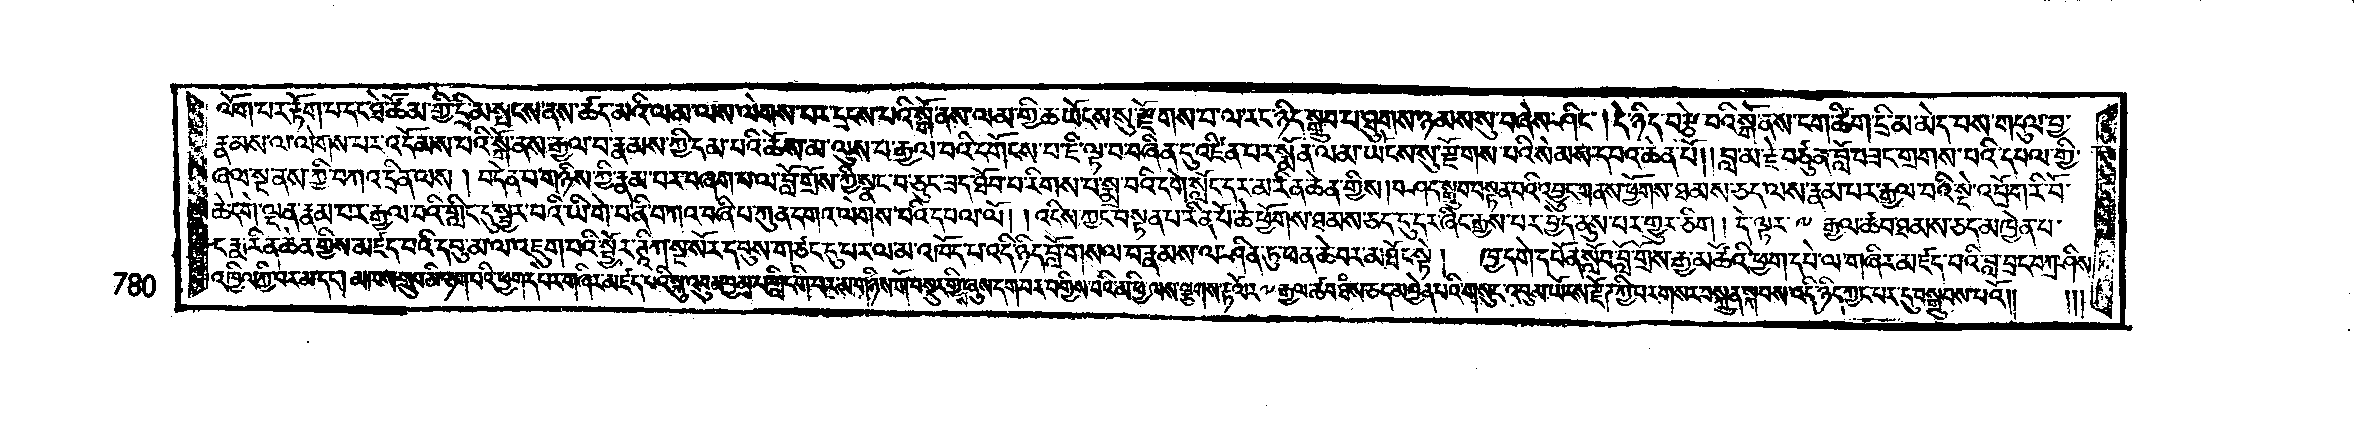ལོག་པར་རྟོག་པ་དང་ཐེ་ཚོམ་གྱི་དྲི་མ་སྤངས་ནས་ཚད་མའི་ལམ་ལས་ལེགས་པར་དྲངས་པའི་སྒོ་ནས་ལམ་གྱི་ཆ་ཡོངས་སུ་རྫོགས་པ་ལ་རང་ཉིད་སྒྲུབ་པ་ཐུགས་ཉམས་སུ་བཞེས་ཤིང་། དེ་ཉིད་བརྩེ་བའི་སྒོ་ནས་ངག་ཚིག་དྲི་མ་མེད་པས་གདུལ་བྱ་
རྣམས་ལ་ལེགས་པར་འདོམས་པའི་སྒོ་ནས་རྒྱལ་བ་རྣམས་ཀྱི་དམ་པའི་ཆོས་མ་ལུས་པ་རྒྱལ་བའི་དགོངས་པ་ཇི་ལྟ་བ་བཞིན་དུ་འཛིན་པར་སྨོན་ལམ་ཡོངས་སུ་རྫོགས་པའི་སེམས་དཔའ་ཆེན་པོ། །བླ་མ་རྗེ་བཙུན་བློ་བཟང་གྲགས་པའི་དཔལ་གྱི་
ཞལ་སྔ་ནས་ཀྱི་བཀའ་དྲིན་ལས། བདེན་པ་གཉིས་ཀྱི་རྣམ་པར་བཞག་པ་ལ་བློ་གྲོས་ཀྱི་སྣང་བ་ཅུང་ཟད་ཐོབ་པ་རིགས་པ་སྨྲ་བའི་དགེ་སློང་དར་མ་རིན་ཆེན་གྱིས། བཤད་སྒྲུབ་བསྟན་པའི་འབྱུང་གནས་ཕྱོགས་ཐམས་ཅད་ལས་རྣམ་པར་རྒྱལ་བའི་སྡེ་འབྲོག་རི་བོ་
ཆེ་དགེ་ལྡན་རྣམ་པར་རྒྱལ་བའི་གླིང་དུ་སྦྱར་བའི་ཡི་གེ་པ་ནི་བཀའ་བཞི་པ་ཀུན་དགའ་ལེགས་པའི་དཔལ་ལོ། །འདིས་ཀྱང་བསྟན་པ་རིན་པོ་ཆེ་ཕྱོགས་ཐམས་ཅད་དུ་དར་ཞིང་རྒྱས་པར་བྱེད་ནུས་པར་གྱུར་ཅིག །དེ་ལྟར་༧་རྒྱལ་ཚབ་ཐམས་ཅད་མཁྱེན་པ་
ང་རྨ་རིན་ཆེན་གྱིས་མཛད་པའི་དབུ་མ་ལ་འཇུག་པའི་སྦྱོར་ཊཱིཀ་སྔ་སོར་དབུས་གཙང་དུ་པར་ལམ་འཁོད་པ་འདི་ཉིད་བློ་གསལ་བ་རྣམས་ལ་ཤིན་ཏུ་ཕན་ཆེ་བར་མཐོང་སྟེ། ཁྱ་དགེ་དཔོན་སློབ་བློ་གྲོས་རྒྱ་མཚོའི་ཕྱག་དཔེ་ལ་གཞིར་མཛད་པའི་བླ་བྲང་བཀྲ་ཤིས་
འཁྱིལ་ཀྱི་བར་མ་དང་། མཁས་གྲུབ་མི་ཉག་པའི་ཕྱག་དཔེར་གཞིར་མཛད་པའི་སྐུ་འབུམ་བྱམས་པ་གླིང་གི་བར་མ་གཉིས་གོ་བསྡུར་གྱིས་ཞུས་དག་པར་བགྱིས་པའི་མ་ཕྱི་ལས་ལྕགས་རྟ་ལོར་རྒྱལ་ཚབ་ཐམས་ཅད་མཁྱེན་པའི་གསུང་འབུམ་ཡོངས་རྫོགས་ཀྱི་བར་གསར་བསྐྲུན་སྐབས་འདི་ཉིད་ཀྱང་པར་དུ་བསྒྲུབས་པའོ།། །།